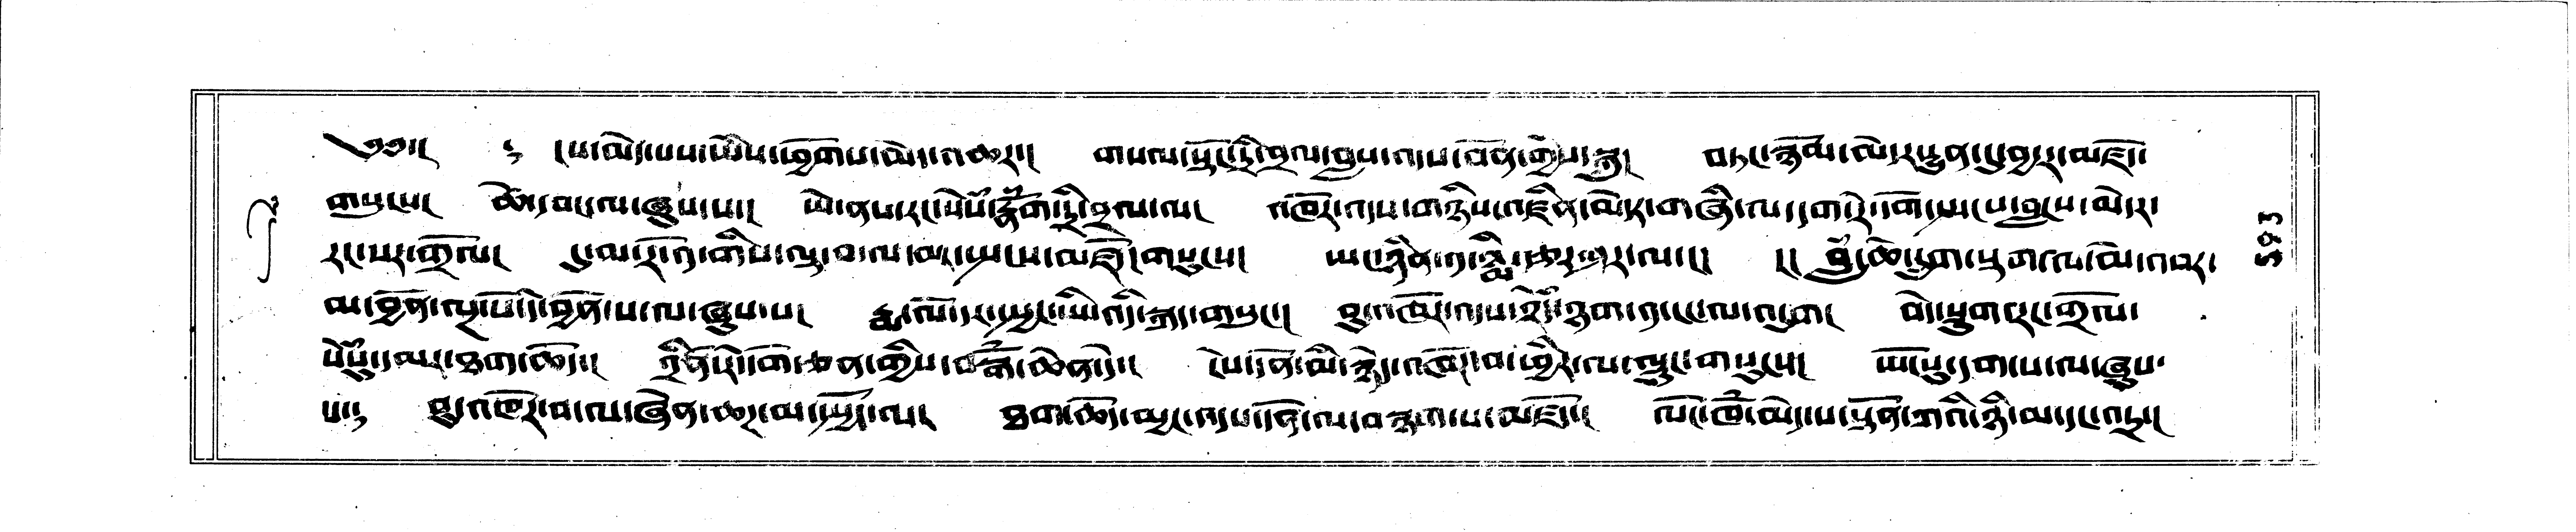པ་མེད་པའི་ཡི་གེ་ཕྱོགས་མེད་འཆར། གསལ་སྟོང་དྲི་བྲལ་བློ་འདས་བོན་གྱི་སྐུ། བཏང་སྙོམ་མེད་པར་རྒྱུན་དུ་གནས་པར་མཛོད་
གསུངས། ཚེ་དབང་ལ་ཞུས་པས། ཡེ་ནས་རང་སེམས་རྣམ་རྟོག་དྲི་བྲལ་ལ་འཁོར་འདས་གཉིས་འཛིན་མེད་པར་གཞི་ལ་དག། རེ་དོག་སྤང་བླང་མེད་པར་
རང་སར་གྲོལ། དུ་མ་རོ་གཅིག་ལྟ་བ་མ་ཡེང་མཛོད་གསུངས། ཡང་ཉིན་གཅིག་ཉི་མ་རྩེ་ཤར་ལ། བླ་མ་ཆེ་དྲུག་སྟག་ལ་མེ་བྷར་(འབར)་
མ་བྱོན། ལྔ་པོ་དེ་བྱོན་པ་ལ་ཞུས་པས། རྨ་ལོ་དར་ཕྱར་གྱི་འདི་སྐད་གསུངས། བུ་འཁོར་འདས་དབྱེར་མེད་ཉག་གཅིག་ངང་ལ་འདུས། བདེ་སྡུག་རང་གྲོལ་
སེམས་སུ་དམར་ཐག་ཆོད། གཉིས་འཛིན་རེ་དོག་ཅན་གྱི་སྒོམས་ཆེན་དེ། ངེས་དོན་མི་རྙེད་འཁོར་བར་ཕྱིར་ལ་ལྟུང་གསུངས། ཡོངས་སུ་དག་པ་ལ་ཞུས་
པས། བུ་འཁོར་བ་ལ་ཞེན་ཆགས་མ་སྐྱེ་ལ། ཐག་ཆོད་མྱ་འདས་དོན་ལ་བསྙག་པ་མཛོད། ལོང་ཁོམ་མེད་པ་ནི་ལ་ཁའི་ཉི་ཟླ་འདྲ།